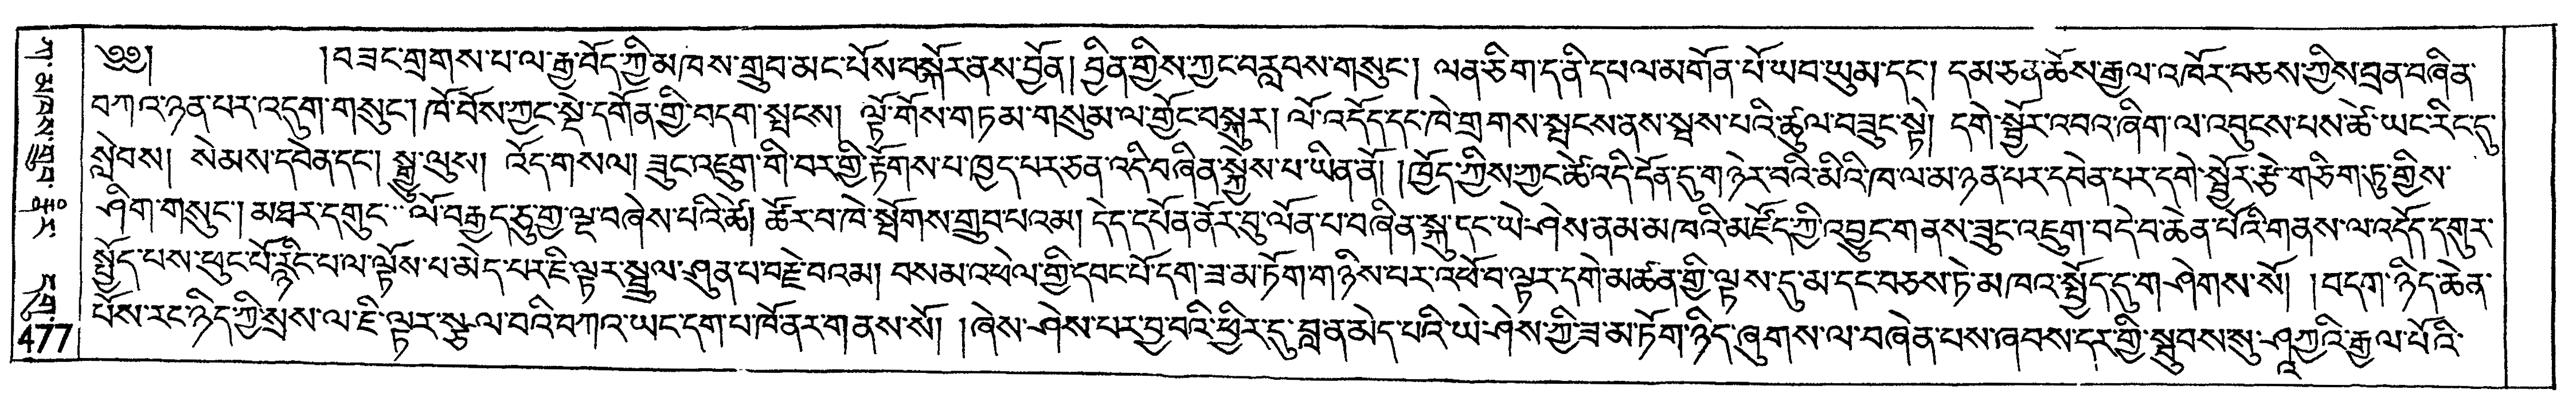༄༅། །བཟང་གྲགས་པ་ལ་རྒྱ་བོད་ཀྱི་མཁས་གྲུབ་མང་པོས་བསྐོར་ནས་བྱོན། བྱིན་གྱིས་ཀྱང་བརླབས་གསུང་། ལན་ཅིག་ད་ནི་དཔལ་མགོན་པོ་ཡབ་ཡུམ་དང་། དམ་ཅན་ཆོས་རྒྱལ་འཁོར་བཅས་ཀྱིས་བྲན་བཞིན་
བཀའ་ཉན་པར་འདུག་གསུང་། ཁོ་བོས་ཀྱང་སྡེ་དགོན་གྱི་བདག་སྤངས། ལྟོ་གོས་གཏམ་གསུམ་ལ་གྱོང་བསྐུར། ལོ་འདོད་དང་ཁེ་གྲགས་སྤངས་ནས་སྦས་པའི་ཚུལ་བཟུང་སྟེ། དགེ་སྦྱོར་འབའ་ཞིག་ལ་འབུངས་པས་ཚེ་ཡང་རིང་དུ་
སླེབས། སེམས་དབེན་དང་། སྒྱུ་ལུས། འོད་གསལ། ཟུང་འཇུག་གི་བར་གྱི་རྟོགས་པ་ཁྱད་པར་ཅན་འདི་བཞིན་སྐྱེས་པ་ཡིན་ནོ། །ཁྱོད་ཀྱིས་ཀྱང་ཚེ་འདི་དོན་དུ་གཉེར་བའི་མིའི་ཁ་ལ་མ་ཉན་པར་དབེན་པར་དགེ་སྦྱོར་རྩེ་གཅིག་ཏུ་གྱིས་
ཤིག་གསུང་། མཐར་དགུང་ལོ་བརྒྱད་ཅུ་གྱ་ལྔ་བཞེས་པའི་ཚེ། ཚོར་བ་ཁེ་སྤོགས་གྲུབ་པའམ། དེད་དཔོན་ནོར་བུ་ལོན་པ་བཞིན་སྐུ་དང་ཡེ་ཤེས་ནམ་མཁའི་མཛོད་ཀྱི་འབྱུང་གནས་ཟུང་འཇུག་བདེ་བ་ཆེན་པོའི་གནས་ལ་འདོད་དགུར་
སྤྱོད་པས་ཕུང་པོ་རྙིང་པ་ལ་ལྟོས་པ་མེད་པར་ཇི་ལྟར་སྤྲུལ་ཤུན་པ་བརྗེ་བའམ། བསམ་འཕེལ་གྱི་དབང་པོ་དག་ཟ་མ་ཏོག་གཉིས་པར་འཕོ་བ་ལྟར་དགེ་མཚན་གྱི་ལྟས་དུ་མ་དང་བཅས་ཏེ་མཁའ་སྤྱོད་དུ་གཤེགས་སོ། །བདག་ཉིད་ཆེན་
པོས་རང་ཉིད་ཀྱི་སྲས་ལ་ཇི་ལྟར་སྩལ་བའི་བཀའ་ཡང་དག་པ་ཁོ་ནར་གནས་སོ། །ཞེས་ཤེས་པར་བྱ་བའི་ཕྱིར་དུ་བླ་ན་མེད་པའི་ཡེ་ཤེས་ཀྱི་ཟ་མ་ཏོག་ཉིད་ཞུགས་ལ་བཞེན་པས་ཞབས་དར་གྱི་སྦུབས་སུ་ཤྰྐྱའི་རྒྱལ་པོའི་